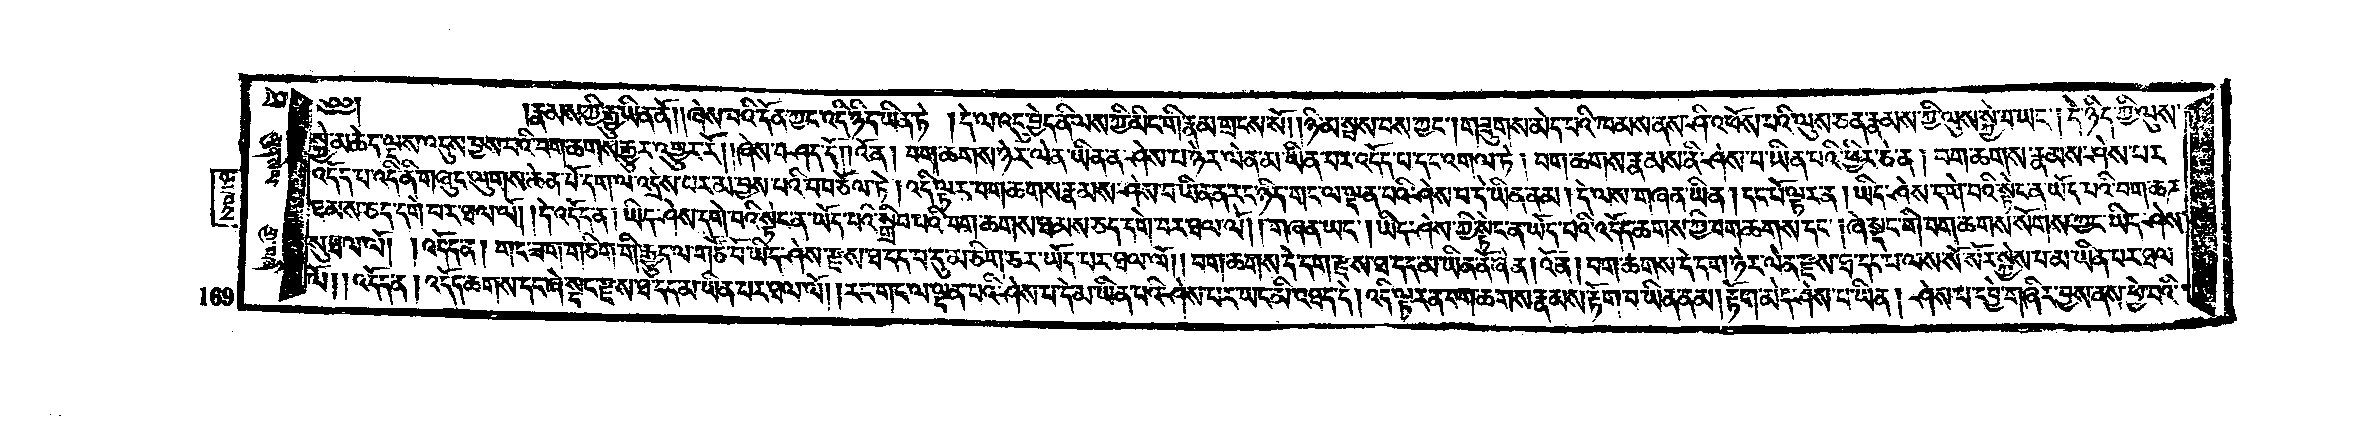༄༅། །རྣམས་ཀྱི་རྒྱུ་ཡིན་ནོ། །ཞེས་པའི་དོན་ཀྱང་འདི་ཉིད་ཡིན་ཏེ། དེ་ལ་འདུ་བྱེད་ནི་ལས་ཀྱི་མིང་གི་རྣམ་གྲངས་སོ། །ཉི་མ་སྦས་བས་ཀྱང་། གཟུགས་མེད་པའི་ཁམས་ནས་ཤི་འཕོས་པའི་ལུས་ཅན་རྣམས་ཀྱི་ལུས་སྐྱེ་བ་ཡང་། དེ་ཉིད་ཀྱི་ལུས་
སྐྱེ་མཆེད་ལྔས་འདུས་བྱས་པའི་བག་ཆགས་རྒྱུར་འགྱུར་རོ། །ཞེས་བཤད་དོ། །འོ་ན། བག་ཆགས་ཉེར་ལེན་ཡིན་ན་ཤེས་པ་ཉེར་ལེན་མ་ཡིན་པར་འདོད་པ་དང་འགལ་ཏེ། བག་ཆགས་རྣམས་ནི་ཤེས་པ་ཡིན་པའི་ཕྱིར་ཅེ་ན། བག་ཆགས་རྣམས་ཤེས་པར་
འདོད་པ་འདི་ནི་གཞུང་ལུགས་ཆེན་པོ་དག་ལ་འདྲེས་པར་མ་བྱས་པའི་བབ་ཅོལ་ཏེ། འདི་ལྟར་བག་ཆགས་རྣམས་ཤེས་པ་ཡིན་ན་རང་ཉིད་གང་ལ་ལྡན་པའི་ཤེས་པ་དེ་ཡིན་ནམ། དེ་ལས་གཞན་ཡིན། དང་པོ་ལྟར་ན། ཡིད་ཤེས་དགེ་བའི་སྟེང་ན་ཡོད་པའི་བག་ཆཌ་
ཐམས་ཅད་དགེ་བར་ཐལ་ལོ། །དེ་འདོད་ན། ཡིད་ཤེས་དགེ་བའི་སྟེང་ན་ཡོད་པའི་སྒྲིབ་པའི་བག་ཆགས་ཐམས་ཅད་དགེ་བར་ཐལ་ལོ། །གཞན་ཡང་། ཡིད་ཤེས་ཀྱི་སྟེང་ན་ཡོད་པའི་འདོད་ཆགས་ཀྱི་བག་ཆགས་དང་། ཞེ་སྡང་གི་བག་ཆགས་སོགས་ཀྱང་ཡིད་ཤེས་
སུ་ཐལ་ལོ། །འདོད་ན། གང་ཟག་གཅིག་གི་རྒྱུད་ལ་གཙོ་བོ་ཡིད་ཤེས་རྫས་ཐ་དད་པ་དུ་མ་ཅིག་ཅར་ཡོད་པར་ཐལ་ལོ། །བག་ཆགས་དེ་དག་རྫས་ཐ་དད་མ་ཡིན་ནོ་ཞེ་ན། འོ་ན། བག་ཆགས་དེ་དག་ཉེར་ལེན་རྫས་ཐ་དད་པ་ལས་སོ་སོར་སྐྱེས་པ་མ་ཡིན་པར་ཐལ་
ལོ། །འདོད་ན། འདོད་ཆགས་དང་ཞེ་སྡང་རྫས་ཐ་དད་མ་ཡིན་པར་ཐལ་ལོ། །རང་གང་ལ་ལྡན་པའི་ཤེས་པ་དེ་མ་ཡིན་པའི་ཤེས་པར་ཡང་མི་འཐད་དེ། འདི་ལྟར་ན་བག་ཆགས་རྣམས་རྟོག་པ་ཡིན་ནམ། རྟོག་མེད་ཤེས་པ་ཡིན། ཤེས་པ་དབྱེ་གཞིར་བྱས་ནས་ཕྱེ་བའི་